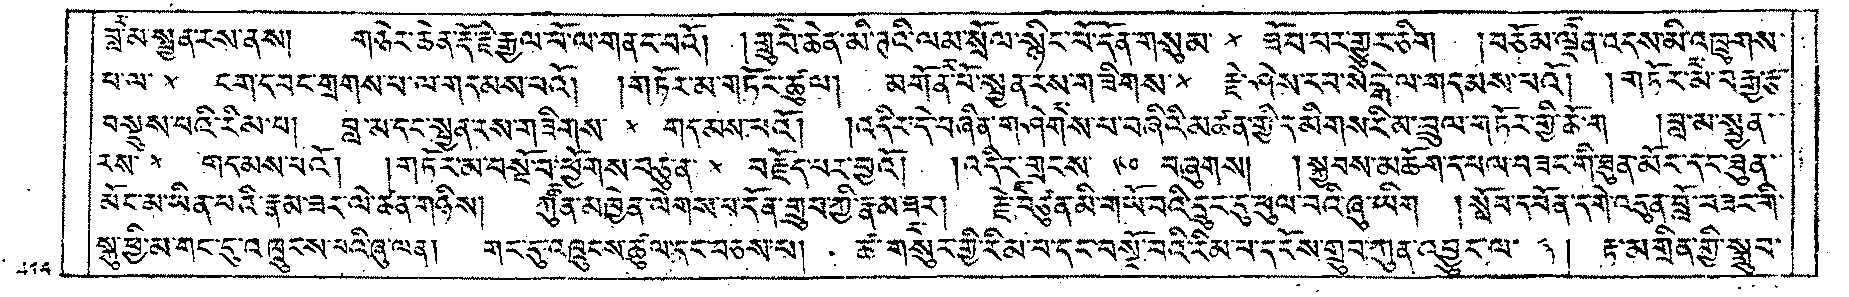བླ་མ་སྤྱན་རས་ནས། གཉེར་ཆེན་རྡོ་རྗེ་རྒྱལ་པོ་ལ་གནང་བའོ། །བྲུབ་ཆེན་མི་ཊའི་ལམ་སྲོལ་སྙིང་པོ་དོན་གསུམ་྾་ཐོབ་པར་གྱུར་ཅིག །བཅོམ་ལྡན་འདས་མི་འཁྲུགས་
པ་ལ་྾་ངག་དབང་གྲགས་པ་གདམས་པའོ། །གཏོར་མ་གཏོང་ཚུལ། མགོན་པོ་སྤྱན་རས་གཟིགས་྾་རྗེ་ཤེས་རབ་སེངྒེ་ལ་གདམས་པའོ། །གཏོར་མ་བརྒྱ་རྩ་
བསྡུས་པའི་རིམ་པ། བླ་མ་དང་སྤྱན་རས་གཟིགས་྾་གདམས་པའོ། །འདིར་དེ་བཞིན་གཤེགས་པ་བཞིའི་མཚན་གྱི་དམིགས་རིམ་བྲུལ་གཏོར་གྱི་ཆོ་ག། །བླ་མ་སྤྱན་
རས་྾་གདམས་པའོ། །གཏོར་མ་བསྔོ་བ་ཕྱོགས་བཅུ་ན་྾་བརྗོད་པར་བྱའོ། །འདིར་གྲངས ༩༠་བཞུགས། །སྐྱབས་མཆོག་དཔལ་བཟང་གི་ཐུན་མོང་དང་ཐུན་
མོང་མ་ཡིན་པའི་རྣམ་ཐར་ལེ་ཚན་གཉིས། ཀུན་མཁྱེན་ལེགས་པ་དོན་གྲུབ་ཀྱི་རྣམ་ཐར། རྗེ་བཙུན་མི་གཡོ་བའི་དྲུང་དུ་ཕུལ་བའི་ཞུ་ཡི་།སློབ་དཔོན་དགེ་འདུན་བློ་བཟང་གི་
སྐུ་ཕྱི་མ་གང་དུ་འཁྲུངས་པའི་ཞུལ་ལན། གང་དུ་འཁྲུངས་ཚུལ་དང་བཅས་པ། ཚ་གསུར་གྱི་རིམ་པ་དང་བསྔོ་བའི་རིམ་པ་དངོས་གྲུབ་ཀུན་འབྱུང་ལ ༣། རྟ་མགྲིན་གྱི་སྒྲུབ་